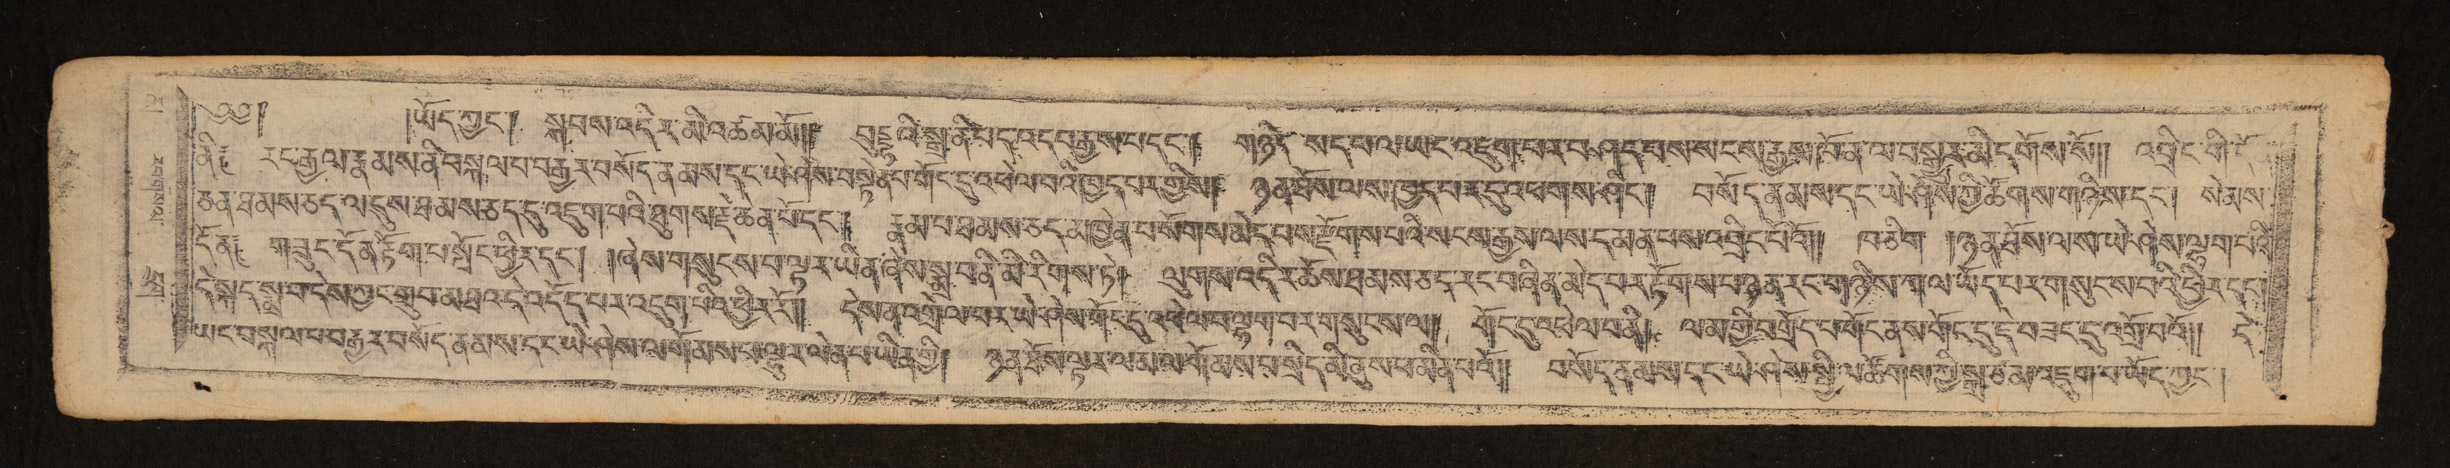ཡོད་ཀྱང་། སྐབས་འདིར་མི་འཚམ་མོ།། བུདྡྷའི་སྒྲ་ནི་པད་འདབ་རྒྱས་པ་དང་། གཉིད་སད་པ་ལ་ཡང་འཇུག་པར་བཤད་པས་སངས་རྒྱས་ཁོ་ན་ལ་བསྒྱུར་མི་དགོས་སོ།། འབྲིང་གི་དོན་
ནི༑ རང་རྒྱལ་རྣམས་ནི་བསྐལ་པ་བརྒྱར་བསོད་ནམས་དང་ཡེ་ཤེས་བསྟེན་པ་གོང་དུ་འཕེལ་བའི་ཁྱད་པར་གྱིས། ཉན་ཐོས་ལས་ཁྱད་པར་དུ་འཕགས་ཤིང་། བསོད་ནམས་དང་ཡེ་ཤེས་ཀྱི་ཚོགས་གཉིས་དང་། སེམས་
ཅན་ཐམས་ཅད་ལ་དུས་ཐམས་ཅད་དུ་འཇུག་པའི་ཐུགས་རྗེ་ཆེན་པོ་དང་། རྣམ་པ་ཐམས་ཅད་མཁྱེན་པ་སོགས་མེད་པས་རྫོགས་པའི་སངས་རྒྱས་ལས་དམན་པས་འབྲིང་པོའོ།། ཁ་ཅིག །ཉན་ཐོས་ལས་ཡེ་ཤེས་ལྷག་པའི་
དོན༑ གཟུང་དོན་རྟོག་པ་སྤོང་ཕྱིར་དང་། །ཞེས་གསུངས་པ་ལྟར་ཡིན་ཞེས་སྨྲ་བ་ནི་མི་རིགས་ཏེ། ལུགས་འདིར་ཆོས་ཐམས་ཅད་རང་བཞིན་མེད་པར་རྟོགས་པ་ཉན་རང་གཉིས་ཀ་ལ་ཡོད་པར་གསུངས་པའི་ཕྱིར་དང་།
དེ་སྐད་སྨྲ་བ་དེས་ཀྱང་གྲུབ་མཐའ་དེ་འདོད་པར་འདུག་པའི་ཕྱིར་རོ།། དེས་ན་འགྲེལ་པར་ཡེ་ཤེས་གོང་དུ་འཕེལ་བ་ལྷག་པར་གསུངས་ལ། གོང་དུ་འཕེལ་བ་ནི། ལམ་གྱི་བགྲོད་པ་གོང་ནས་གོང་དུ་ཇེ་བཟང་དུ་འགྲོ་བའོ།། དེ་
ཡང་བསྐལ་པ་བརྒྱར་བསོད་ནམས་དང་ཡེ་ཤེས་ལ་གོམས་པ་ལྷུར་ལེན་པ་ཡིན་གྱི། ཉན་ཐོས་ལྔར་ལམ་ལ་གོམས་པ་སྲིད་མི་ནུས་པ་མིན་པའོ།། བསོད་ནམས་དང་ཡེ་ཤེས་སྤྱི་ལ་ཚོགས་ཀྱི་སྒྲ་ཙམ་འཇུག་པ་ཡོད་ཀྱང་།